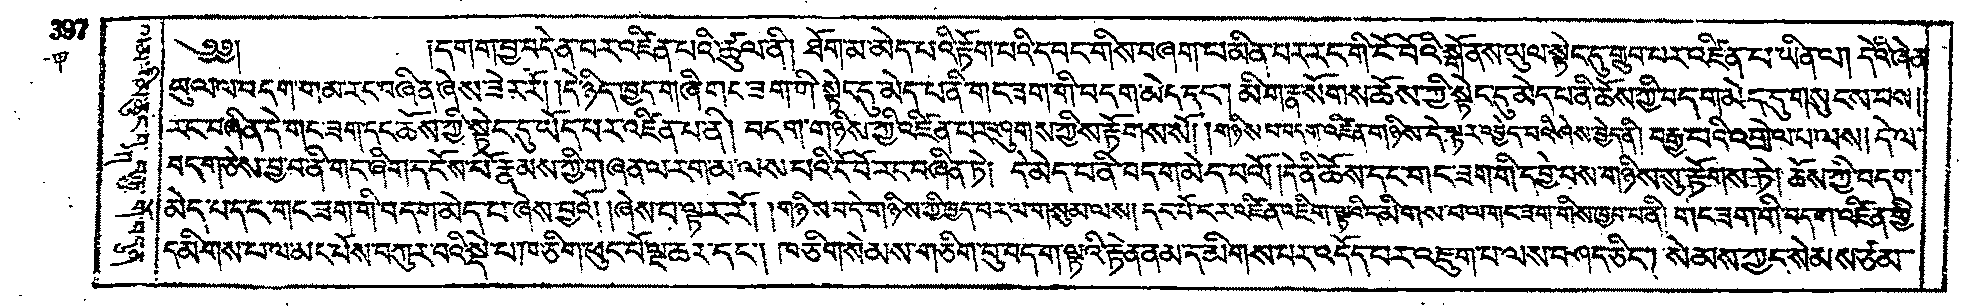༄༅། །དགག་བྱ་བདེན་པར་འཛིན་པའི་ཚུལ་ནི། ཐོག་མ་མེད་པའི་རྟོག་པའི་དབང་གིས་བཞག་པ་མིན་པར་རང་གི་ངོ་བོའི་སྒོ་ནས་ཡུལ་སྟེང་དུ་གྲུབ་པར་འཛིན་པ་ཡིན་ལ། དེའི་ཞེན་
ཡུལ་ལ་བདག་གམ་རང་བཞིན་ཞེས་ཟེར་རོ། །དེ་ཉིད་ཁྱད་གཞི་གང་ཟག་གི་སྟེང་དུ་མེད་པ་ནི་གང་ཟག་གི་བདག་མེད་དང་། མིག་རྣ་སོགས་ཆོས་ཀྱི་སྟེང་དུ་མེད་པ་ནི་ཆོས་ཀྱི་བདག་མེད་དུ་གསུངས་པས།
རང་བཞིན་དེ་གང་ཟག་དང་ཆོས་ཀྱི་སྟེང་དུ་ཡོད་པར་འཛིན་པ་ནི། བདག་གཉིས་ཀྱི་འཛིན་པར་ཤུགས་ཀྱིས་རྟོགས་སོ། །གཉིས་པ་བདག་འཛིན་གཉིས་དེ་ལྟར་འབྱེད་པའི་ཤེས་བྱེད་ནི།  བརྒྱ་པའི་འགྲེལ་པ་ལས། དེ་ལ་
བདག་ཅེས་བྱ་བ་ནི་གང་ཞིག་དངོས་པོ་རྣམས་ཀྱི་གཞན་ལ་རག་མ་ལས་པའི་ངོ་བོ་རང་བཞིན་ཏེ། དེ་མེད་པ་ནི་བདག་མེད་པའོ། །དེ་ནི་ཆོས་དང་གང་ཟག་གི་དབྱེ་བས་གཉིས་སུ་རྟོགས་ཏེ། ཆོས་ཀྱི་བདག་
མེད་པ་དང་གང་ཟག་གི་བདག་མེད་པ་ཞེས་བྱའོ། །ཞེས་པ་ལྟར་རོ། །གཉིས་པ་དེ་གཉིས་ཀྱི་ཁྱད་པར་ལ་གསུམ་ལས། དང་པོ་ངར་འཛིན་འཇིག་ལྟའི་དམིགས་པ་ལ་གང་ཟག་གིས་ཁྱབ་པ་ནི།  གང་ཟག་གི་བདག་འཛིན་གྱི་
དམིགས་པ་ལ་མང་པོས་བཀུར་བའི་སྡེ་པ་ཁ་ཅིག་ཕུང་པོ་ལྔ་ཆར་དང་། ཁ་ཅིག་སེམས་གཅིག་པུ་བདག་ལྟའི་རྟེན་ནམ་དམིགས་པར་འདོད་པར་འཇུག་པ་ལས་བཤད་ཅིང་། སེམས་ཀྱང་སེམས་ཙམ་